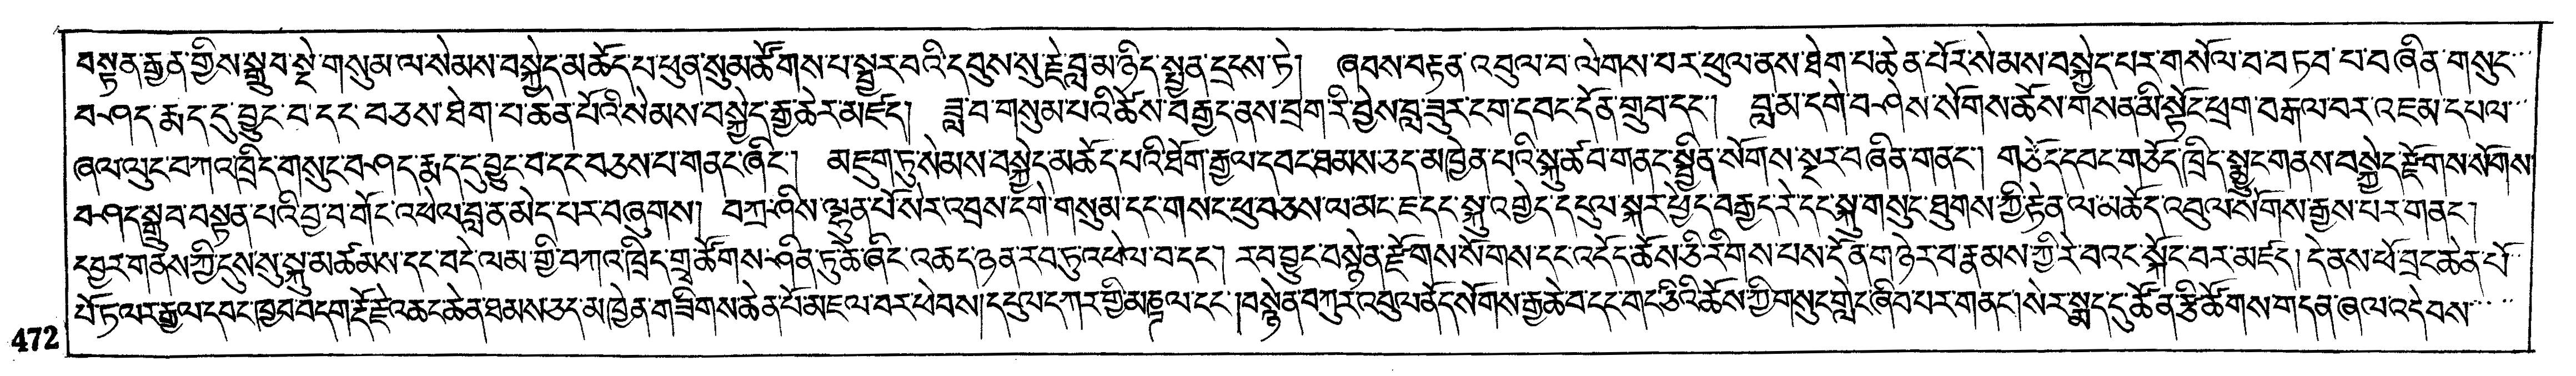བསྟན་རྒྱན་གྱིས་སྒྲུབ་སྡེ་གསུམ་ལ་སེམས་བསྐྱེད་མཆོད་བ་ཕུན་སུམ་ཆོགས་པ་སྦྱར་བའི་དབུས་སུ་རྗེ་བླ་མ་ཉིད་སྤྱན་དྲངས་ཏེ། ཞབས་བརྟན་འབུལ་བ་ལེགས་པར་ཕུལ་ནས་ཐེག་པ་ཆེན་པོར་སེམས་བསྐྱེད་པར་གསོལ་བ་བཏབ་པ་བཞིན་གསུང་
བཤད་རྨད་དུ་བྱུང་བ་དང་བཅས་ཐེག་པ་ཆེན་པོའི་སེམས་བསྐྱེད་རྒྱ་ཆེར་མཛད། ཟླ་བ་གསུམ་པའི་ཚེས་བརྒྱད་ནས་བྲག་རི་བྱེས་བླ་ཟུར་དག་དབང་དོན་གྲུབ་དང་། བླ་མ་དགེ་བཤེས་སོགས་ཚོས་གས་ན་མི་སྟོང་ཕྲག་བརྒལ་བར་འཇམ་དཔལ་
ཞལ་ལུང་བཀའ་ཁྲིད་གསུང་བཤད་རྨད་དུ་བྱུང་བ་དང་བཅས་པ་གནང་ཞིང་། མཇུག་ཏུ་སེམས་བསྐྱེད་མཆོད་པའི་ཐོག་རྒྱལ་དབང་ཐམས་ཅད་མཁྱེན་པའི་སྐུ་ཚབ་གནང་སྦྱིན་སོགས་སྔར་བཞིན་གནང་། གཅོད་དབང་གཅོད་ཁྲིད་སྨྱུང་གནས་བསྐྱེད་རྫོགས་སོགས་
བཤད་སྒྲུབ་བསྟན་པའི་བྱ་བ་གོང་འཕེལ་བླ་ན་མེད་པར་བཞུགས། བཀྲ་ཤིས་ལྷུན་པོ་སེར་འབྲས་དགེ་གསུམ་དང་གསང་ཕུ་བཅས་ལ་མང་ཇ་དང་སྐུ་འགྱེད་དངུལ་སྐར་ཕྱེད་བརྒྱད་རེ་དང་སྐུ་གསུང་ཐུགས་ཀྱི་རྟེན་ལ་མཆོད་འབུལ་སོགས་རྒྱས་པར་གནང་།
དབྱར་གནས་ཀྱི་དུས་སུ་སྐུ་མཚམས་དང་བདེ་ལམ་གྱི་བཀའ་ཁྲིད་གྲྭ་ཚོགས་ཤིན་ཏུ་ཆེ་ཞིང་འཆད་ཉན་རབ་ཏུ་འཕེལ་བ་དང་། རབ་བྱུང་བསྙེན་རྫོགས་སོགས་དང་འདོད་ཆོས་ཅི་རིགས་པས་དོན་གཉེར་བ་རྣམས་ཀྱི་རེ་བའང་སྐོད་པར་མཛད། དེ་ནས་ཕོ་བྲང་ཆེན་པོ་
པོ་ཏ་ལར་རྒྱལ་དབང་ཁྱབ་བདག་རྡོ་རྗེ་འཆང་ཆེན་ཐམས་ཅད་མཁྱེན་གཟིགས་ཆེན་པོ་མཇལ་བར་ཕེབས། དངུལ་དཀར་གྱི་མཎྜལ་དང་། བསྙེན་བཀུར་འབུལ་ནོད་སོགས་རྒྱ་ཆེ་བ་དང་གང་ཅིའི་ཆོས་ཀྱི་གསུང་གླེང་ཞིབ་པར་གནང་། སེ་ར་སྨད་དུ་ཚོན་རྩི་ཚོགས་གདན་ཞལ་འདེབས་